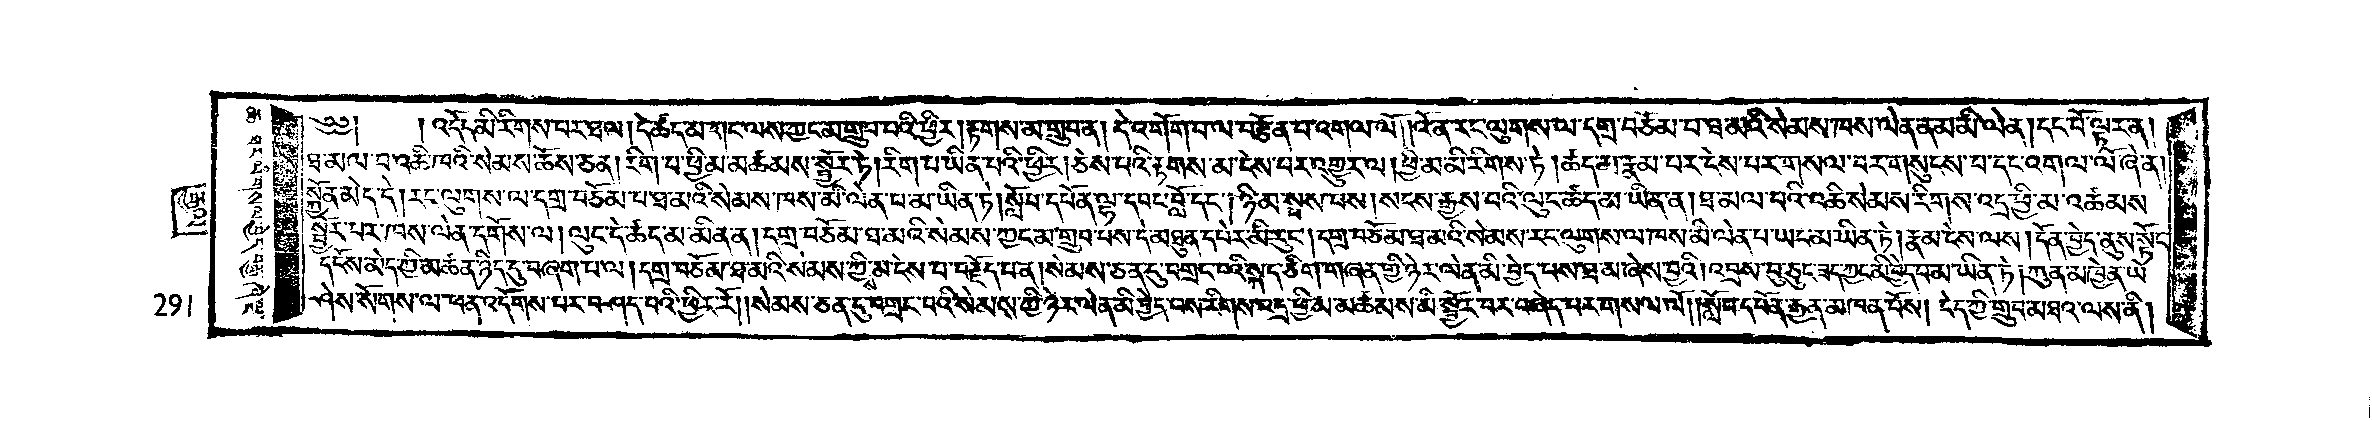༄༅། །འདོད་མི་རིགས་པར་ཐལ། དེ་ཚད་མ་གང་ལས་ཀྱང་མ་གྲུབ་པའི་ཕྱིར། རྟགས་མ་གྲུབ་ན། དེ་འགོག་པ་ལ་བརྩོན་པ་འགལ་ལོ། །འོ་ན་རང་ལུགས་ལ་དགྲ་བཅོམ་པ་ཐ་མའི་སེམས་ཁས་ལེན་ནམ་མི་ལེན། དང་པོ་ལྟར་ན།
ཐ་མལ་བ་འཆི་ཁའི་སེམས་ཆོས་ཅན། རིག་པ་ཕྱི་མ་མཚམས་སྦྱོར་ཏེ། རིག་པ་ཡིན་པའི་ཕྱིར། ཅེས་པའི་རྟགས་མ་ངེས་པར་འགྱུར་ལ། ཕྱི་མ་མི་རིགས་ཏེ། ཚད་མ་རྣམ་པར་ངེས་པར་གསལ་བར་གསུངས་པ་དང་འགལ་ལོ་ཞེ་ན།
སྐྱོན་མེད་དོ། རང་ལུགས་ལ་དགྲ་བཅོམ་པ་ཐ་མའི་སེམས་ཁས་མི་ལེན་པ་མ་ཡིན་ཏེ། སློབ་དཔོན་ལྷ་དབང་བློ་དང་། ཉི་མ་སྦས་པས། སངས་རྒྱས་པའི་ལུང་ཚད་མ་ཡིན་ན། ཐ་མལ་པའི་འཆི་སེམས་རིགས་འདྲ་ཕྱི་མ་འཚམས་
སྦྱོར་བར་ཁས་ལེན་དགོས་ལ། ལུང་དེ་ཚད་མ་མིན་ན། དགྲ་བཅོམ་ཐ་མའི་སེམས་ཀྱང་མ་གྲུབ་པས་དེ་མཐུན་དཔེར་མི་རུང་། དགྲ་བཅོམ་ཐ་མའི་སེམས་རང་ལུགས་ལ་ཁས་མི་ལེན་པ་ཡང་མ་ཡིན་ཏེ། རྣམ་ངེས་ལས། དོན་བྱེད་ནུས་སྟོང་
དངོས་མེད་ཀྱི་མཚན་ཉིད་དུ་བཞག་པ་ལ། དགྲ་བཅོམ་ཐ་མའི་སེམས་ཀྱིས་མ་ངེས་པ་བརྗོད་པ་ན། སེམས་ཅན་དུ་བགྲང་བའི་སྐད་ཅིག་གཞན་གྱི་ཉེར་ལེན་མི་བྱེད་པས་ཐ་མ་ཞེས་བྱའི། འབྲས་བུ་ཅུང་ཟད་ཀྱང་མི་བྱེད་པ་མ་ཡིན་ཏེ། ཀུན་མཁྱེན་ཡེ་
ཤེས་སོགས་ལ་ཕན་འདོགས་པར་བཤད་པའི་ཕྱིར་རོ། །སེམས་ཅན་དུ་བགྲང་བའི་སེམས་ཀྱི་ཉེར་ལེན་མི་བྱེད་པས་རིགས་འབྲ་ཕྱི་མ་མཚམས་མི་སྦྱོར་བར་བཞེད་པར་གསལ་ལོ། །སློབ་དཔོན་རྒྱན་མཁན་པོས། ངེད་ཀྱི་གྲུབ་མཐའ་ལས་ནི།